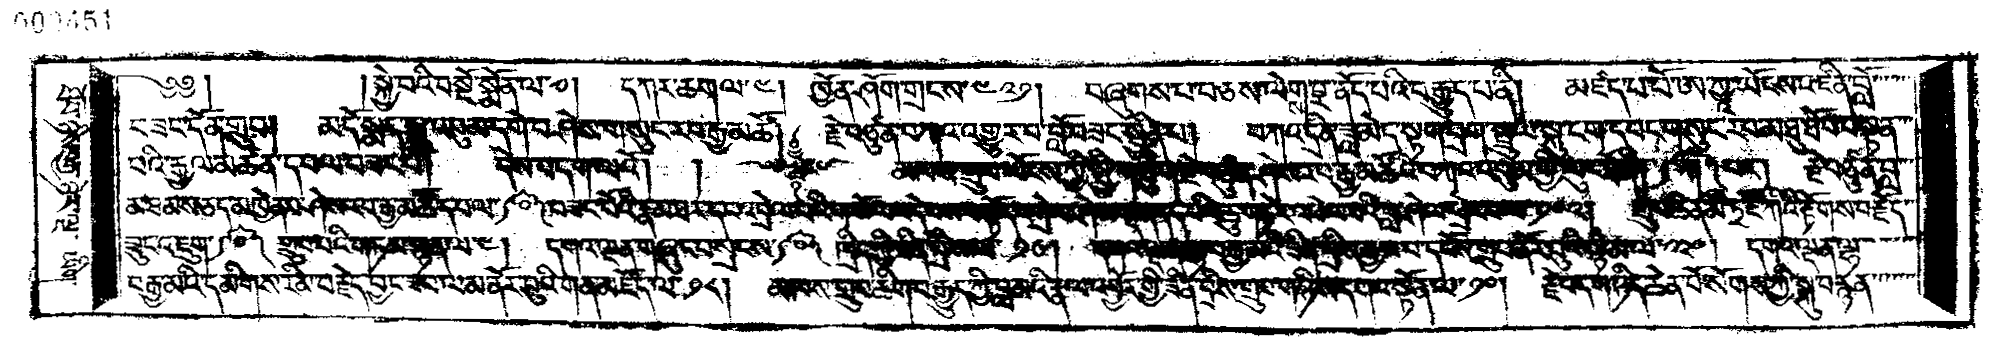༄༅། །སྐྱེ་བའི་བསྔོ་སྨོན་ལ༧། དཀར་ཆག་ལ༤། ཁྱོན་ཤོག་གྲངས༤༢༡། བཞུགས་པ་བཅས་ལེགས་པར་ནོད་པའི་བརྒྱུད་པ་ནི། མཛད་པ་པོ་ཨཀྱཱ་ཡོངས་འཛིན་བློ་
བཟང་དོན་གྲུབ། མདོ་སྨད་སྐུ་འབུམ་དགེ་བཤེས་གསུང་རབ་རྒྱ་མཚོ། རྗེ་བཙུན་བཀའ་འགྱུར་བ་བློ་བཟང་སྦྱིན་པ། བཀའ་དྲིན་ཟླ་མེད་སྟག་བྲག་སྤྲུལ་སྐུ་ངག་དབང་སུང་རབ་མཐུ་ཐོབ་བསྟན་
པའི་རྒྱལ་མཚན་དཔལ་བཟང་པོ། དེས་བདག་ལའོ། །༈ མཁས་གྲུབ་ཡོངས་ཀྱི་སྤྱི་གཙུག་རྗེ་བཙུན་ཤེས་རབ་རྒྱ་མཚོའི་བཀའ་འབུམ་གྱི་ལུང་ཐོ་ནི། ༼ཀ༽ པར། རྗེ་བཙུན་བླ་
མ་ཐམས་ཅད་མཁྱེན་པ་ཤེས་རབ་རྒྱ་མཚོ་དཔལ ༼྾༽ བཟང་པོའི་རྣམ་ཐར་དང་འབྲེལ་བའི་གསོལ་འདེབས་བསྟོད་འགྲེལ་ཤེས་ལྡན་དད་པའི་ཆུ་གཏེར་འཕེལ་བའི་ཟླ་ཤེལ་ཕྲེང་བ་ལ༡༠༢། གྲུབ་ཆེན་མི་ཏྲ་ཛོ་ཀིའི་རྟོགས་བརྗོད་
ཟུང་འཇུག ༼྾༽ གྲུབ་པའི་གཏམ་སྙན་ལ༤། དགའ་ལྡན་གཞུང་བསྲངས ༼྾༽ ཁྲིད་ཀྱི་ཟིན་བྲིས་ལ༡༦། དགའ་ལྡན་ལྷ་བརྒྱ་མའི་ཟིན་བྲིས་རྒྱ་པ་དངོས་གྲུབ་ནོར་བུའི་སྙེམ་ལ༣༠། དགའ་ལྡན་ལྷ་
བརྒྱ་མའི་དམིགས་རིམ་བརྗེད་བྱང་ཟབ་ལམ་ནོར་བུའི་གན་མཛོད་ལ༡༨། མཁས་གྲུབ་ཆིག་བརྒྱུད་ཀྱི་བླ་མའི་རྣལ་འབྱོར་གྱི་ཟིན་བྲིས་གྲུབ་གཉིས་དཀའ་སྟོན་ལ༡༠། རྗེ་བདག་ཉིད་ཆེན་པོ་སོགས་ཀྱི་སྐུ་བརྙན་